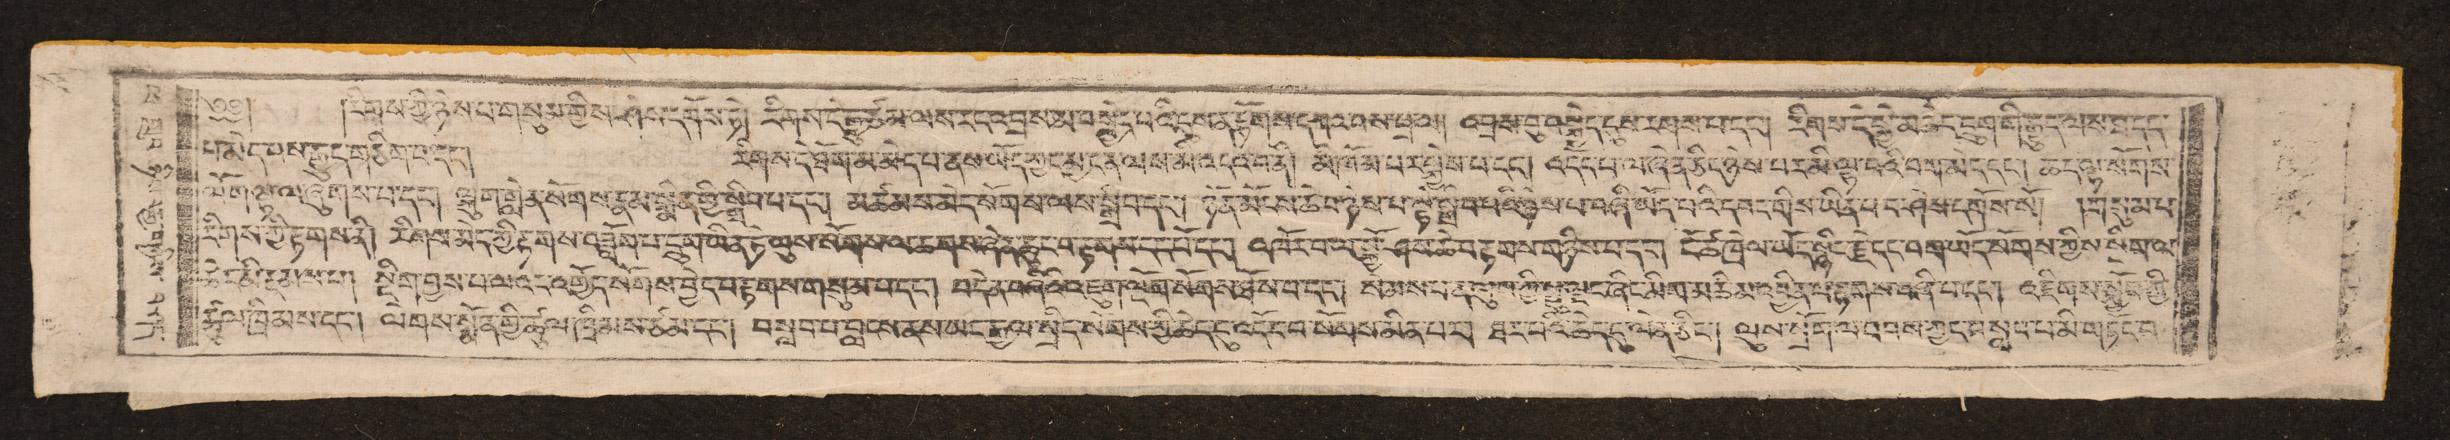༄༅། །རིགས་ཀྱི་ཉེས་པ་གསུམ་གྱིས་ཤེས་དགོས་ཏེ། རིགས་ངེ་རྒྱུ་ཙམ་ལས་རང་འབྲས་མ་བསྐྱེད་པའི་དུས་ན་རྟོགས་དཀའ་བས་ཕྲ་ལ། འབྲས་བུ་བསྐྱེད་དུས་རགས་པ་དང་། རིགས་དེ་སྐྱེ་མཆེད་དྲུག་གི་རྒྱུད་ལས་ཐ་དད་
པ་མེད་པས་རྒྱུད་གཅིག་པ་དང་། རིགས་དེ་ཐོག་མ་མེད་པ་ནས་ཡོད་ཀྱང་མྱ་ངན་ལས་མི་འདའ་བ་ནི། མི་ཁོམ་པར་སྐྱེས་པ་དང་། འདོད་པ་ལ་ཞེ་ན་ཅིང་ཉེས་པར་མི་ལྟ་བའི་བག་མེད་དང་། ཆད་ལྟ་སོགས་
ལོག་ལྟ་ལ་ཞུགས་པ་དང་། ལྐུག་གླེན་སོགས་རྣམ་སྨིན་གྱི་སྒྲིབ་པ་དང་། མཚམས་མེད་སོགས་ལས་སྒྲིབ་དང་། ཉོན་མོངས་ཆེ་བ་ཉེས་པ་སྟེ་སྒྲིབ་པའི་ཉེས་པ་བཞི་ཡོད་པའི་དབང་གིས་ཡིན་པར་ཤེས་དགོས་སོ། །གསུམ་པ་
རིགས་ཀྱི་རྟགས་ནི། རིགས་མེད་ཀྱི་རྟགས་བཟློག་པ་དྲུག་ཡིན་ཏེ་ལུས་སོགས་ལ་ཆགས་ཞེན་ཆུང་བརྟགས་དང་པོ་དང་། འཁོར་བ་ལ་སྐྱོ་ཤས་ཆེ་བ་རྟགས་གཉིས་པ་དང་། ངོ་ཚ་ཁྲེལ་ཡོད་སྙིང་རྗེ་དང་བག་ཡོད་སོགས་ཀྱིས་སྡིག་ལ་
ཆེར་མི་རྔམས་པ། སྡིག་བྱས་པ་ལའང་འགྱོད་སོགས་བྱེད་པ་རྟགས་གསུམ་པ་དང་། བདེན་བཞིའི་འཇུག་ལྡོག་སོགས་ཐོས་པ་དང་། སེམས་པ་ན་ལུས་ཀྱི་སྤུ་ལྡང་ཞིང་མིག་མཆི་མ་འབྱིན་བརྟགས་བཞི་པ་དང་། འཇིགས་སྐྱོབ་ཀྱི་
ཚུལ་ཁྲིམས་དང་། ལེགས་སྨོན་གྱི་ཚུལ་ཁྲིམས་ཙམ་དང་། བསླབ་པ་བླངས་ནས་ཡང་རྒྱལ་སྲིད་སོགས་ཀྱི་ཆེད་དུ་འདོད་པ་སོགས་མིན་པར། ཐར་པའི་ཆེད་དུ་ལེན་ཅིང་། ལུས་སྲོག་ལ་བབས་ཀྱང་བསླབ་པ་མི་གཏོང་བ་